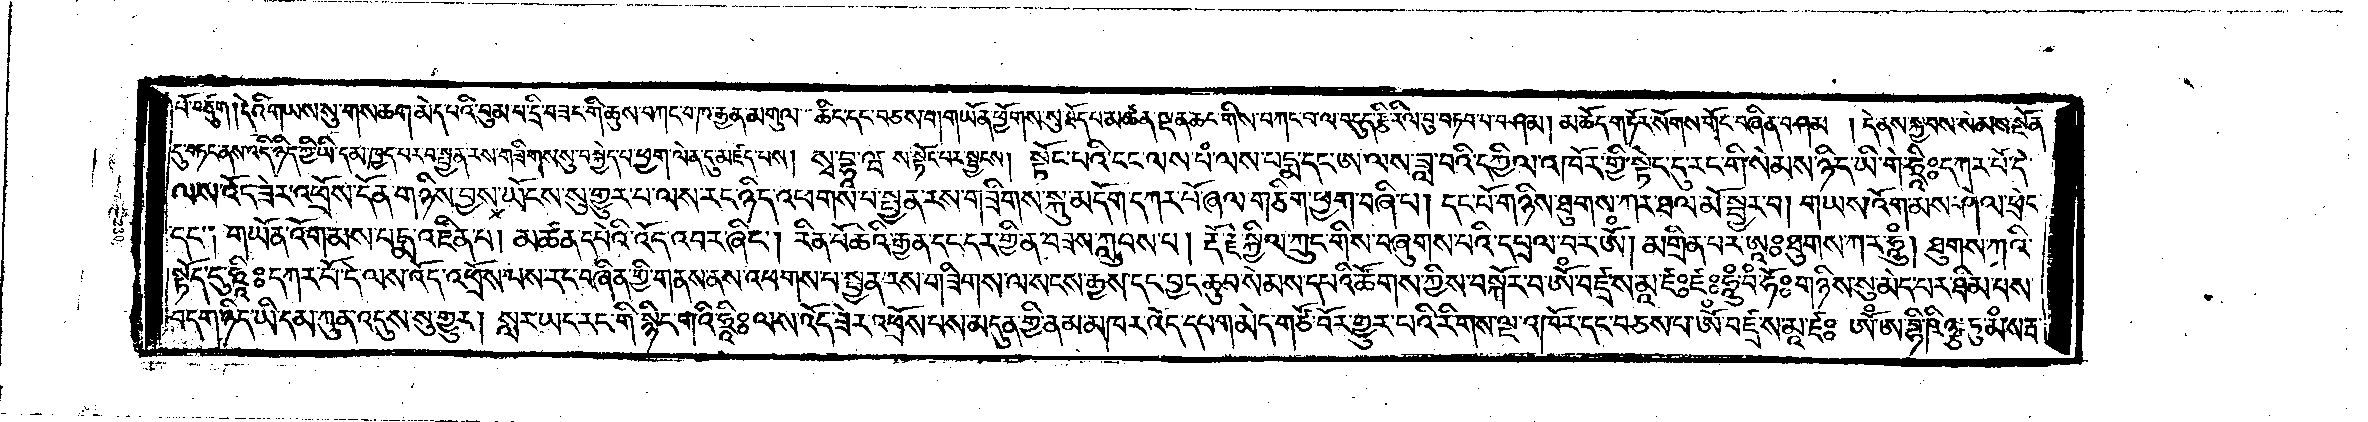པོ་བཙུག། །དེའི་གཡས་སུ་གས་ཆག་མེད་པའི་བུམ་པ་དྲི་བཟང་གི་ཆུས་བཀང་བ་ཁ་རྒྱན་མགུལ་ཆིང་དང་བཅས་པ། གཡོན་ཕྱོགས་སུ་ཐོད་པ་མཚན་ལྡན་ཆང་གིས་བཀང་བ་ལ་བདུད་རྩིའི་ལྟ་བུ་བཏབ་པ་བཤམ། མཆོད་གཏོར་སོགས་གོང་བཞིན་བཤམ། །དེ་ནས་སྐྱབས་སེམས་སྔོན་
དུ་བཏང་ནས་འདི་ཉིད་ཀྱི་ཡི་དམ་ཁྱད་པར་བ་སྤྱན་རས་གཟིགས་སུ་བསྐྱེད་པ་ཕྱག་ལེན་དུ་མཛད་པས། སྭ་བྷཱ་ཝཱ་ས་སྟོང་པར་སྦྱངས། སྟོང་པའི་ངང་ལས་པཾ་ལས་པདམ་དང་ཨ་ལས་ཟླ་བའི་དཀྱིལ་འཁོར་གྱི་སྟེང་དུ་རང་གི་སེམས་ཉིད་ཡི་གེ་ཧྲཱིཿདཀར་པོ་དེ་
ལས་འོད་ཟེར་འཕྲོས་དོན་གཉིས་བྱས྾་ཡོངས་སུ་གྱུར་པ་ལས་རང་ཉིད་འཕགས་པ་སྤྱན་རས་གཟིགས་སྐུ་མདོག་དཀར་པོ་ཞལ་གཅིག་ཕྱག་བཞི་པ། དང་པོ་གཉིས་ཐུགས་ཀར་ཐལ་མོ་སྦྱར་བ། གཡས་འོག་མས་ཤེལ་ཕྲེང་
དང་། གཡོན་འོག་མས་པདམ་འཛིན་པ། མཚན་དཔེའི་འོད་འབར་ཞིང་། རིན་པོ་ཆེའི་རྒྱན་དང་དར་གྱིན་བཟས་ཀླུབས་པ། རྡོ་རྗེ་སྐྱིལ་ཀྲུང་གིས་བཞུགས་པའི་དཔྲལ་བར་ཨོཾ། མགྲིན་པར་ཨཱཿཐུགས་ཀར་ཧཱུཾ། ཐུགས་ཀའི་
སྟོད་དུ་ཧྲཱིཿདཀར་པོ་དེ་ལས་འོད་འཕྲོས་པས་རང་བཞིན་གྱི་གནས་ནས་འཕགས་པ་སྤྱན་རས་གཟིགས་ལ་སངས་རྒྱས་དང་བྱང་ཆུབ་སེམས་དཔའི་ཚོགས་ཀྱིས་བསྐོར་བ་ཨོཾ་བཛྲ་ས་མཱ་ཛཿཛཿ ཧཱུཾ་བཾ་ཧོཿ གཉིས་སུ་མེད་པར་ཐིམ་པས་
བདག་ཉིད་ཡི་དམ་ཀུན་འདུས་སུ་གྱུར། སླར་ཡང་རང་གི་སྙིང་གའི་ཇི་ཧྲཱིཿ ལས་འོད་ཟེར་འཕྲོས་པས་མདུན་གྱི་ནམ་མཁར་འོད་དཔག་མེད་ཀྔྩོ་བོར་གྱུར་པའི་རིགས་ལྔ་འཁོར་དང་བཅས་པ་ཨོཾ་བཛྲ་ས་མཱ་ཛཿ ཨོཾ་ཨ་བྷི་ཥིཉྩ་ཏུ་མཾ་སརྦ་